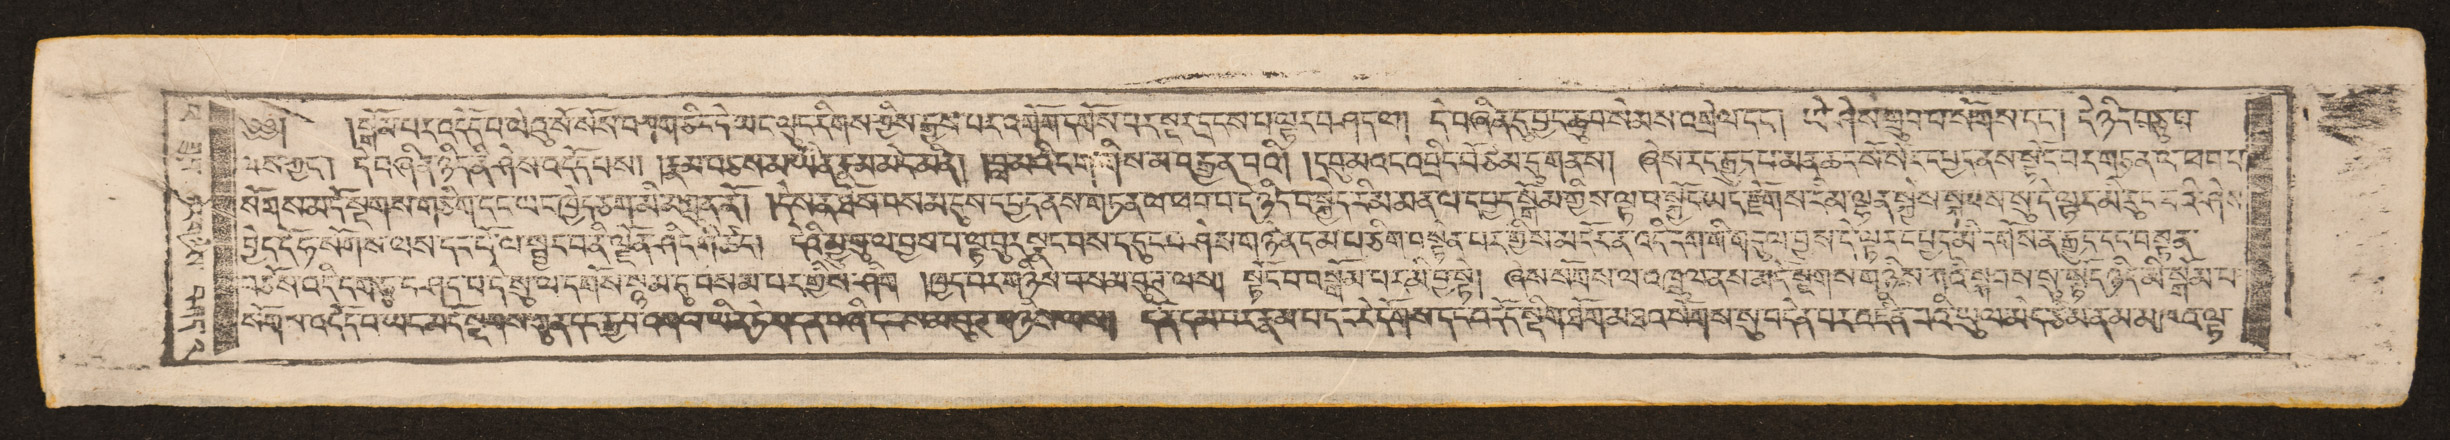༄༅། །སྒོམ་པར་འདོད་པ་ལེའུ་སོ་སོས་བཀག་ཅིང་དེ་ཡང་ལུང་རིགས་ཀྱིས་རྒྱས་པར་འགོག་དགོས་པར་སྔར་དྲངས་པ་ལྟར་བཤད་ལ། དེ་བཞིན་དུ་བྱང་ཆུབ་སེམས་འགྲེལ་དང་། ཡེ་ཤེས་གྲུབ་པ་སོགས་དང་། དེ་ཉིད་བཅུ་པ་
ལས་ཀྱང་། དེ་བཞིན་ཉིད་ནི་ཤེས་འདོད་པས། །རྣམ་བཅས་མ་ཡིན་རྣམ་མེད་མིན། །བླ་མའི་དག་གིས་མ་བརྒྱན་པའི། །དབུ་མའང་འབྲིང་པོ་ཙམ་དུ་གནས། ཞེས་རང་རྒྱུད་པ་མན་ཆད་སོ་སོར་དཔྱད་ནས་སྟོང་པར་གཏན་ལ་ཕབ་པ་
སོགས་མདོ་སྔགས་གཅིག་དང་ཡང་ཁྱེད་ཅག་མི་མཐུན་ནོ། །དེས་ན་ཐོས་བསམ་དུས་དཔྱད་ནས་གཏན་ལ་ཕབ་པ་དེ་ཉིད་བསྐྱེད་རིམ་མན་ལ་དཔྱད་སྒོམ་གྱིས་ལྟ་བ་?་སྐྱོང་ཡང་རྫོགས་རིམ་ལྷན་སྐྱེས་སྐབས་སུ་དེ་ལྟར་མི་རུང་བའི་ཤེས་
བྱེད་དེ་ཧོ་སོགས་ལས་དང་པོ་ལ་སྦྱང་བ་ནི་ལྗོན་ཤིང་གི་ཚར། དེའི་མྱུ་གུ་ལ་བྱས་པ་ལྟ་བུར་སྣང་བས་ད་དུང་བཤེས་གཉེན་དམ་པ་ཅིག་བསྟེན་པར་གྱིས་མདོར་ན་འདི་དག་གི་གདུལ་བྱས་དེ་ལྟར་དཔྱད་མི་དགོས་ན་རྒྱུད་དང་བསྟན་
བཅོས་འདི་དག་ཏུ་བཤད་པ་དེ་སུ་ལ་དགོས་སྙམ་དུ་བསམ་པར་གྱིས་ཤིག །ཁྱད་པར་གཉིས་པ་སམ་བུ་ཊ་ལས། སྟོང་པ་བསྒོམ་པར་མི་བ་སྟེ། ཞེས་སོགས་ལ་འཁྲུལ་ནས་མདོ་སྔགས་གཉིས་ཀའི་སྐབས་སུ་སྟོད་ཉིད་མི་སྒོམ་པ་
སོགས་འདོད་པ་ཡང་མདོ་སྔགས་ཀུན་དང་རྒྱབ་འགལ་ཡིན་ཏེ་གདན་བཞི་དང་སམ་བུ་ཊ་གཉིས་ལས། དོན་དམ་པར་རྣམ་པ་དང་རེ་?་དོགས་དང་འདོད་སྡིག་ཐོག་མཐའ་སོགས་སུ་བདེན་པར་འཛིན་པའི་ཡུལ་མེད་ཙམ་ནམ་མཁའ་ལྟ་